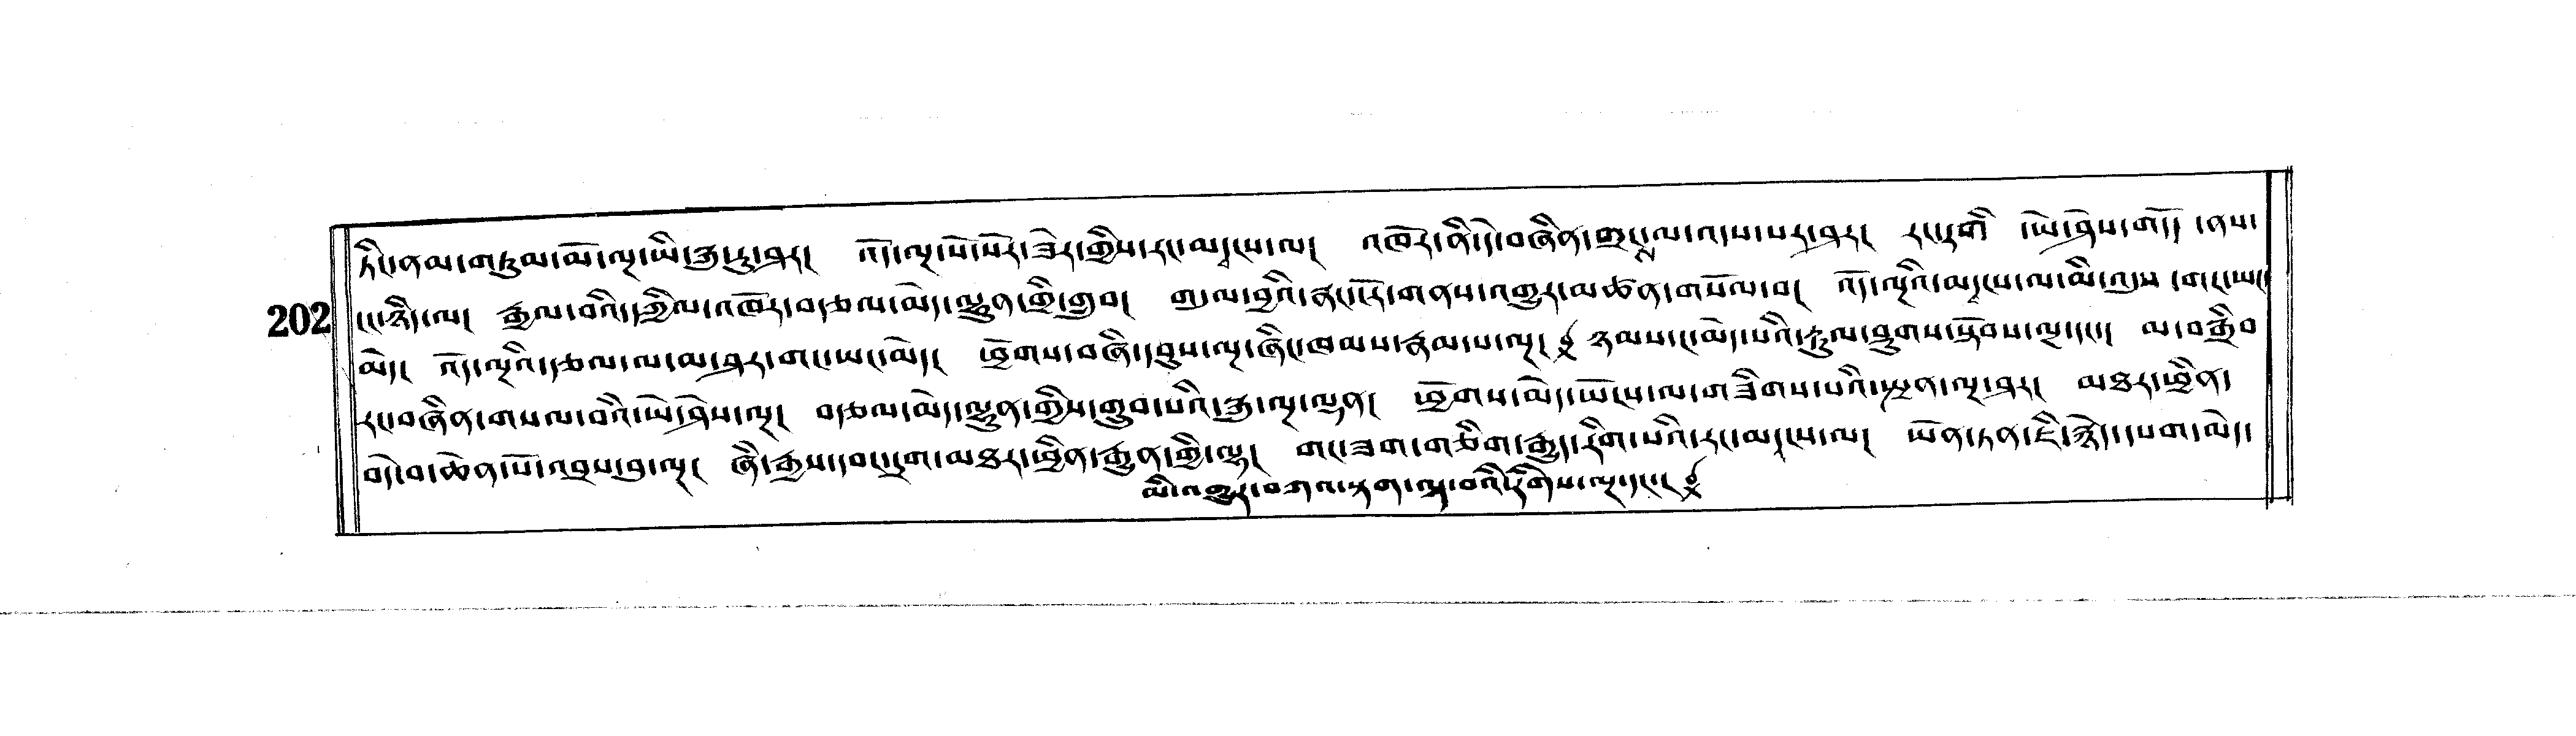ཏིང་ནམ་གཏུམ་མོ་ལྔ་ཡི་སྐུ་རུ་ཤར། འོད་ལྔ་སོ་སོར་ཟེར་གྱི་རང་མདངས་ལ། འཁོར་ནི་དེ་བཞིན་གྲངས་ལས་འདས་པར་ཤར། རང་རིག་ཡེ་ཤེས་གདོད་ནས་
ངང་ཉིད་ལ། རྒྱལ་བའི་དཀྱིལ་འཁོར་རྩལ་མེད་ལྷུན་གྱིས་གྲུབ། གདུལ་བྱའི་སྣང་ངོར་གནས་འགྱུར་མཚན་གསོལ་བ། འོད་ལྔའི་མདངས་ལ་མི་འདུས་གང་ཡང་
མེད། འོད་ལྔའི་རྩལ་ལ་མ་ཤར་གང་ཡང་མེད། ཕྱོགས་བཞི་དབུས་ལྔ་ཞིང་ཁམས་རྣམ་པ་ལྔ། མི་འགྱུར་བཀའ་རྟགས་ལྟ་བའི་རིགས་ལྔ་དང་། ཉམས་ང་མེད་པའི་རྟུལ་ཤུགས་སྟོབས་ལྔ་དང་། མ་བསྒྲིབས་
རང་བཞིན་གསལ་བའི་ཡེ་ཤེས་ལྔ། བརྩལ་མེད་ལྷུན་གྱིས་གྲུབ་པའི་སྐུ་ལྔ་ལྡན། ཕྱོགས་མེད་ཡོངས་ལ་གཟིགས་པའི་སྤྱན་ལྔ་ཤར། མཐར་ཕྱིན་
བདེ་བ་ཆེན་པོ་འབྲས་བུ་ལྔ། ཞི་རྒྱས་དབང་དྲག་མཐར་ཕྱིན་རྒྱུན་གྱི་ལྷ། གང་ཟག་གཅིག་རྒྱུད་རིག་པའི་རང་མདངས་ལ། ཡོན་ཏན་ཇི་སྙེད་དཔག་མེད་